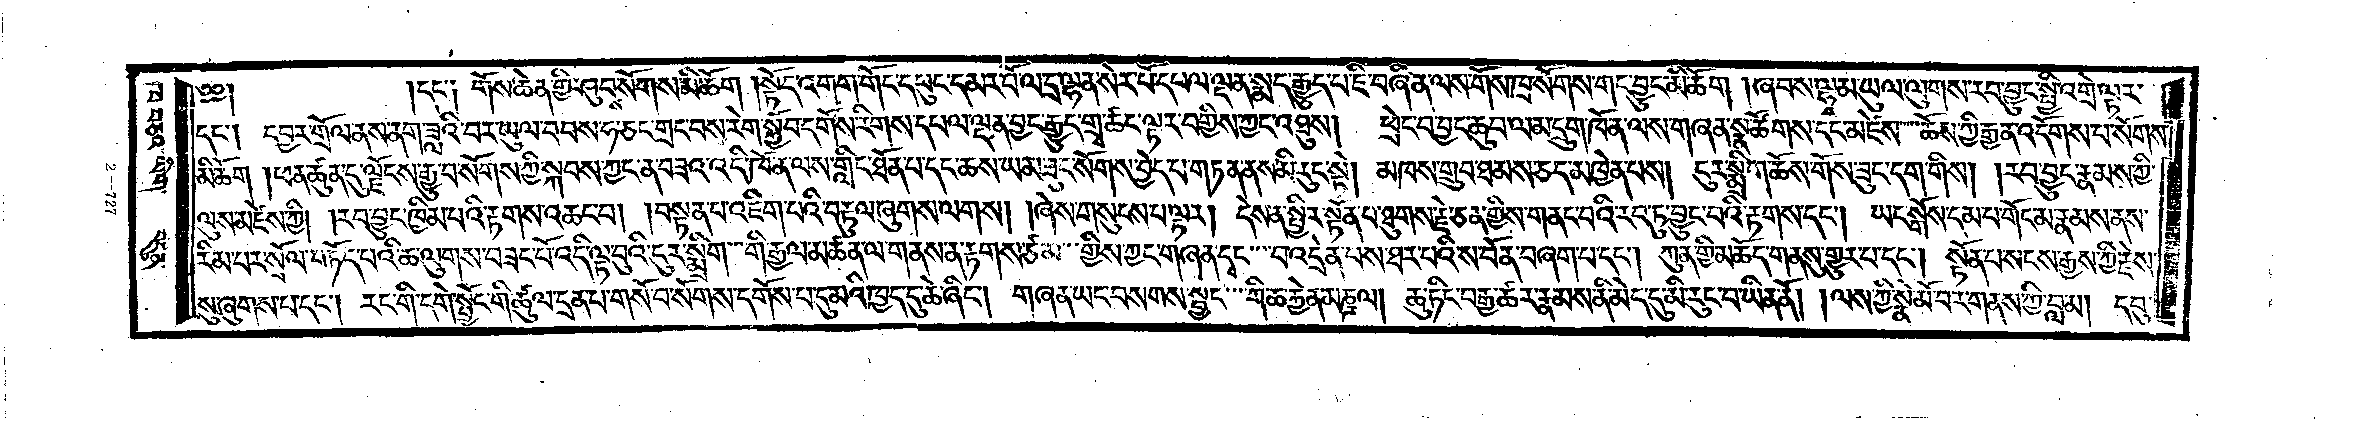༄༅། །དང་། གོས་ཆེན་གྱི་ཤུབས་སོགས་མི་ཆོག །སྟོད་འགག་གོང་དཔུང་དམར་པོ་ལ་དྲ་ལྷན་སེར་པོ་དཔལ་ལྡན་སྨད་རྒྱུད་པ་ཇི་བཞིན་ལས་གོས་ཁྲ་སོགས་གང་བྱུང་མི་ཆོག །ཞབས་ལྷམ་ཡུལ་ལུགས་རབ་བྱུང་སྤྱི་འགྲེ་ལྟར་
དང་། དབྱར་གྲོལ་ནས་ནག་ཟླའི་བར་ཡུལ་བབས་ཧ་ཅང་གྲང་པས་རེག་སྐྱོབ་དགོས་རིགས་དཔལ་ལྡན་བྱང་རྒྱུད་གྲྭ་ཚང་ལྟར་བགྱིས་ཀྱང་འཐུས། ཕྲེང་བ་བྱང་ཆུབ་ལམ་དྲུག་ཁོ་ན་ལས་གཞན་སྣ་ཚོགས་དང་མཛེས་ཆོས་ཀྱི་རྒྱན་འདོགས་པ་སོགས་
མི་ཆོག །ཕན་ཚུན་དུ་ལྗོངས་རྒྱུ་བ་སོགས་ཀྱི་སྐབས་ཀྱང་ན་བཟའ་འདི་ཁོ་ན་ལས་གླིང་ཐོན་པ་དང་ཆས་ཡ་མ་ཟུང་སོགས་བྱེད་པ་གཏན་ནས་མི་རུང་སྟེ། མཁས་གྲུབ་ཐམས་ཅད་མཁྱེན་པས། ངུར་སྨྲིག་ཆོས་གོས་ཟུང་དག་གིས། །རབ་བྱུང་རྣམས་ཀྱི་
ལུས་མཛེས་ཀྱི། །རབ་བྱུང་ཁྱིམ་པའི་རྟགས་འཆང་བ། །བསྟན་པ་འཇིག་པའི་བརྟུལ་ཞུགས་ལགས། །ཞེས་གསུངས་པ་ལྟར། དེས་ན་སྤྱིར་སྟོན་པ་ཐུགས་རྗེ་ཅན་གྱིས་གནང་བའི་རབ་ཏུ་བྱུང་པའི་རྟགས་དང་། ཡང་སྒོས་དམ་པ་གོང་མ་རྣམས་ནས་
རིམ་པར་སྲོལ་བཏོད་པའི་ཆ་ལུགས་བཟང་པོ་འདི་ལྟ་བུའི་དུར་སྨྲིག་གི་རྒྱལ་མཚན་ལ་གནས་ན་རྟགས་ཙམ་གྱིས་ཀྱང་གཞན་དྭང་བ་འདྲེན་པས་ཐར་པའི་ས་བོན་བཞག་པ་དང་། ཀུན་གྱི་མཆོད་གནསུ་གྱུར་པ་དང་། སྟོན་པ་སངས་རྒྱས་ཀྱི་རྗེས་
སུ་ཞུགས་པ་དང་། རང་གི་དགེ་སྦྱོང་གི་ཚུལ་དྲན་པ་གསོ་བ་སོགས་དགོས་པ་དུ་མའི་ཁྱད་དུ་ཆེ་ཞིང་། གཞན་ཡང་བསགས་སྦྱང་གི་ཆ་རྐྱེན་མཎྜལ། ཆུ་ཏིང་བརྒྱ་ཚར་རྣམས་ནི་མེད་དུ་མི་རུང་བ་ཡིན་ནོ། །ལས་ཀྱི་སྣེ་མོ་བར་གནས་ཀྱི་བླ་མ། དབུ་